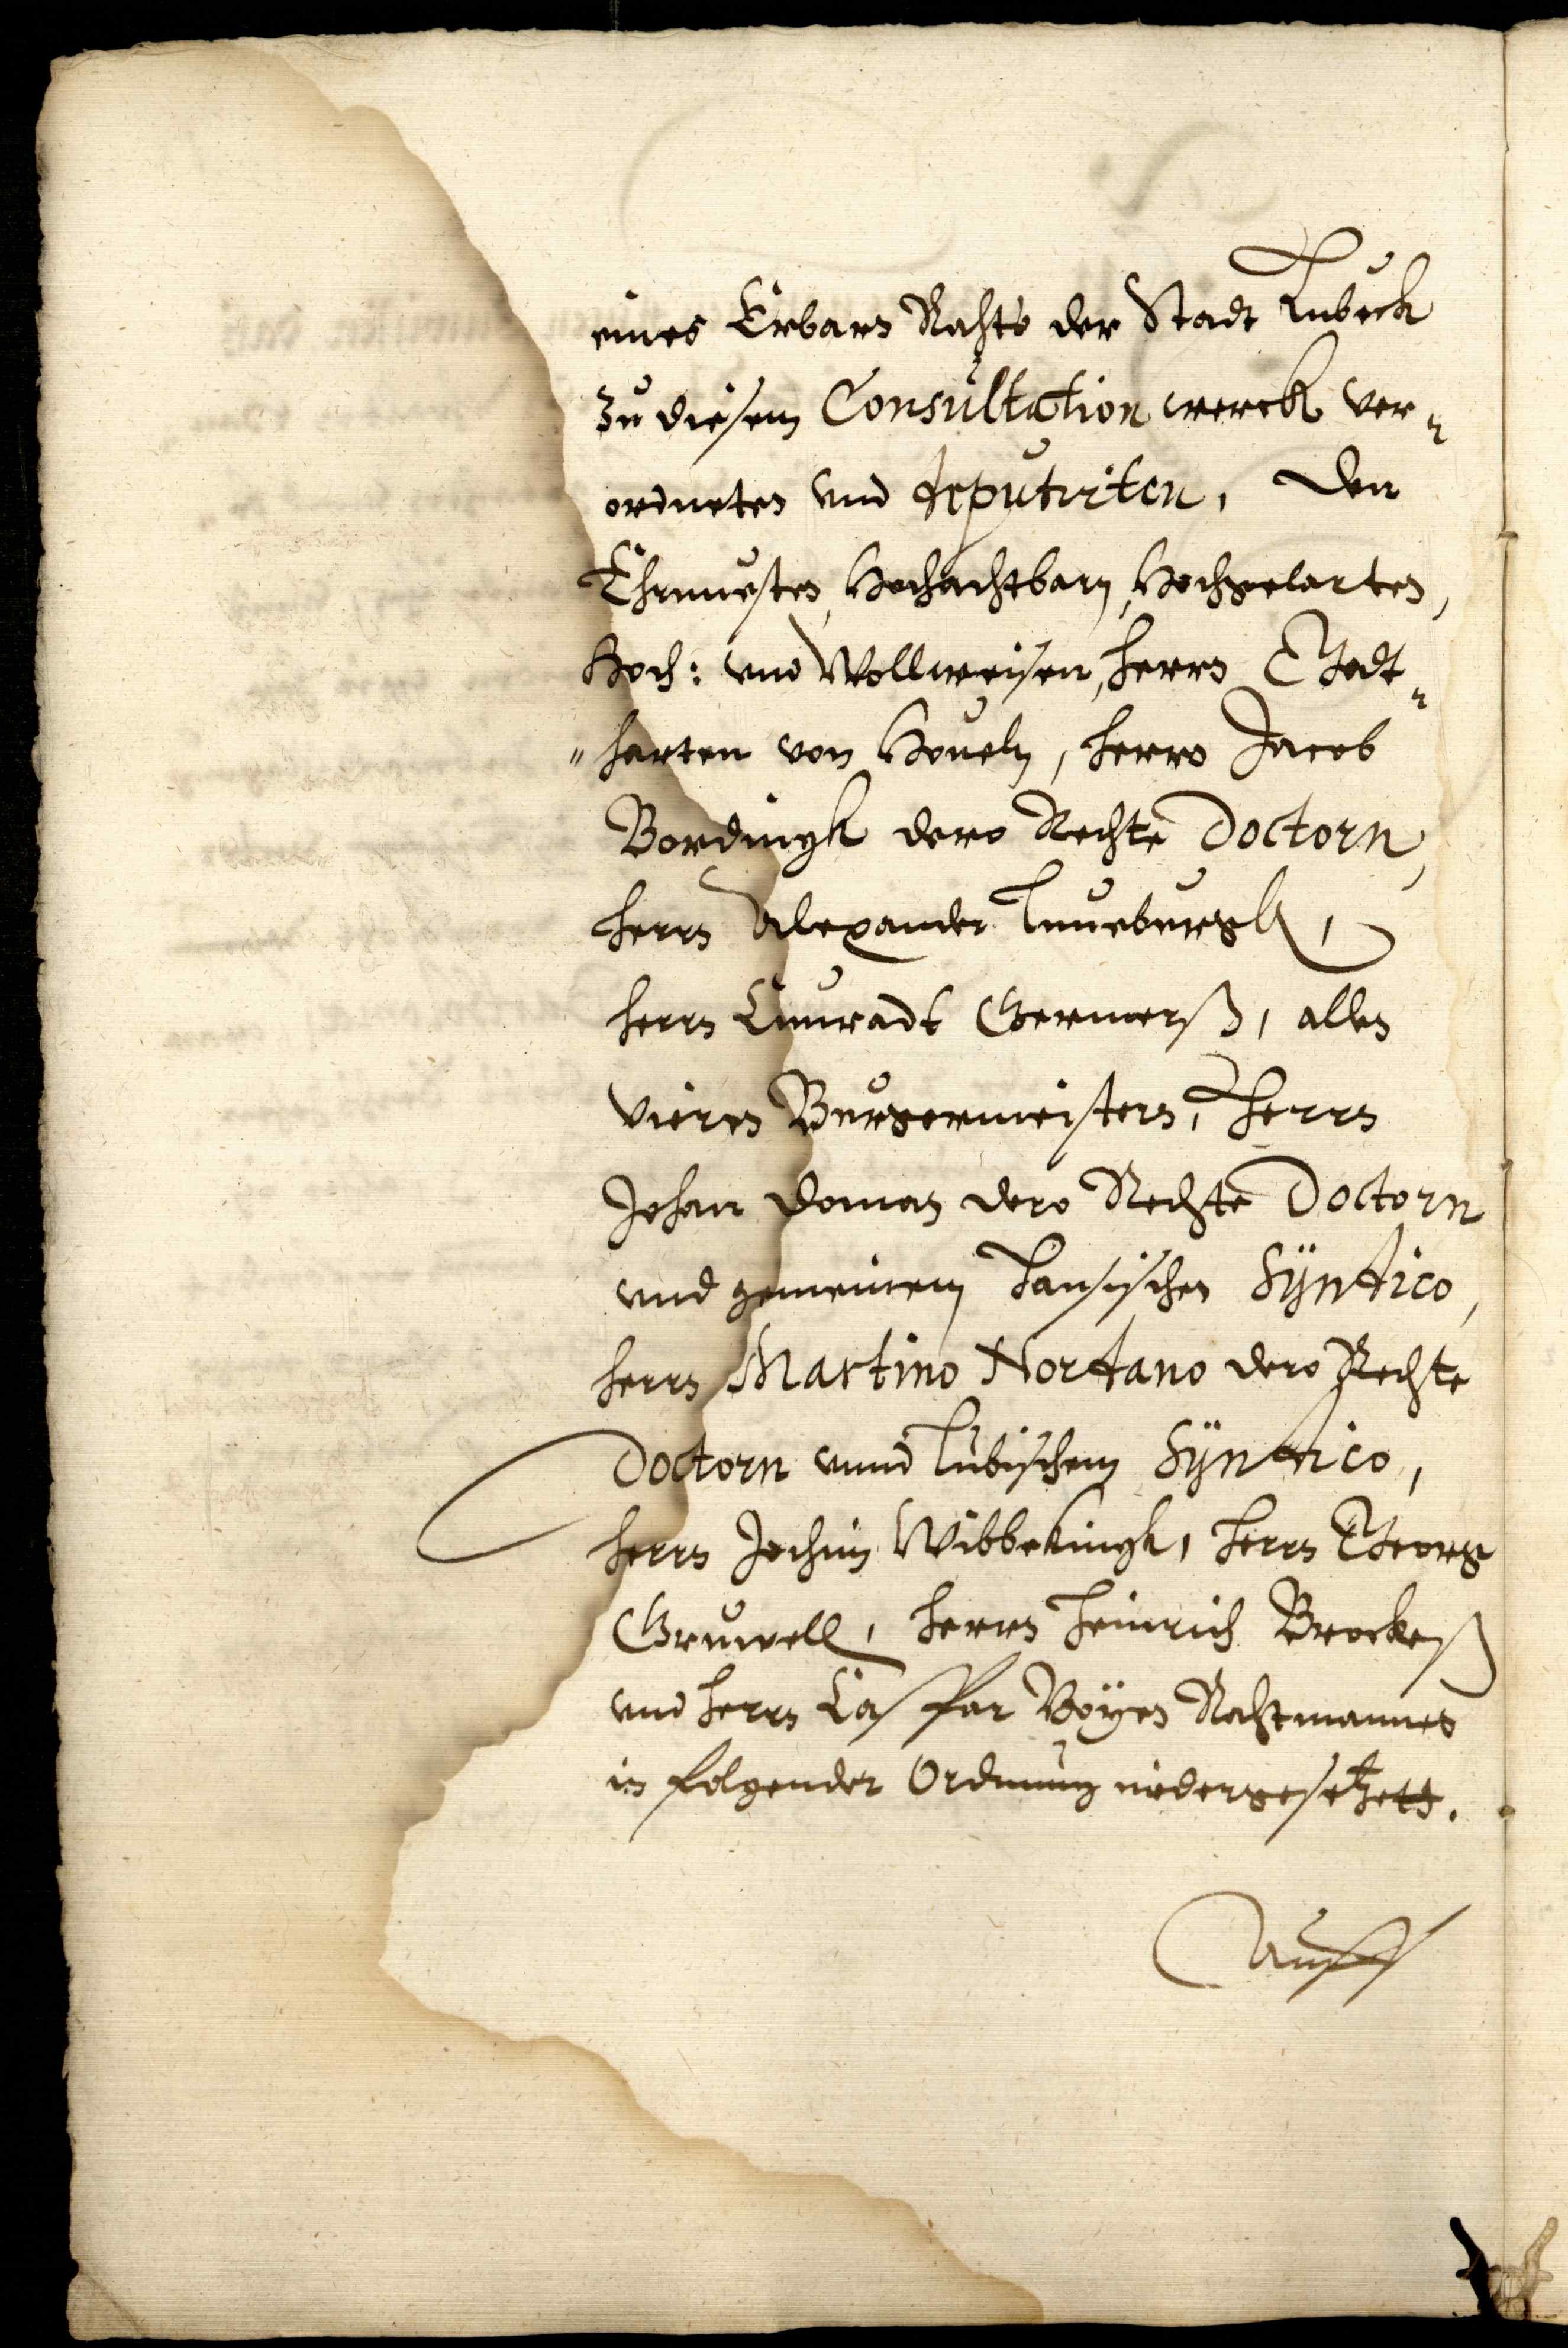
eines Erbarn Rahts der Stadt Lubeck
zu diesem Consultation werck ver¬
ordneten vnd deputirten, den
Ehrenuerten, Hochachtbarn, Hochgelarten,
Hoch: vnd Wollweisen, herrn Gotd¬
harten von Heueln, herrn Jacob
Bordingh dero Rechte doctorn,
herrn Alexaner Luneburghen,
herrn Cunradt Germerß, allen
vieren Burgermeistern, Herrn
Johan Doman dero Rechte doctorn
vnd gemeinem Hansischen Sÿntico,
herrn Martino Nordano der Rechte
doctorn vnnd Lubischem Sÿndico,
herrn Jochim Wibbekingh, herrn Georg
Gruwell, herrn Heinrich Brokeß
vnd herrn Caspar Boÿen Rathmannen
in folgender Ordnung niedergesetzett.
Auff
